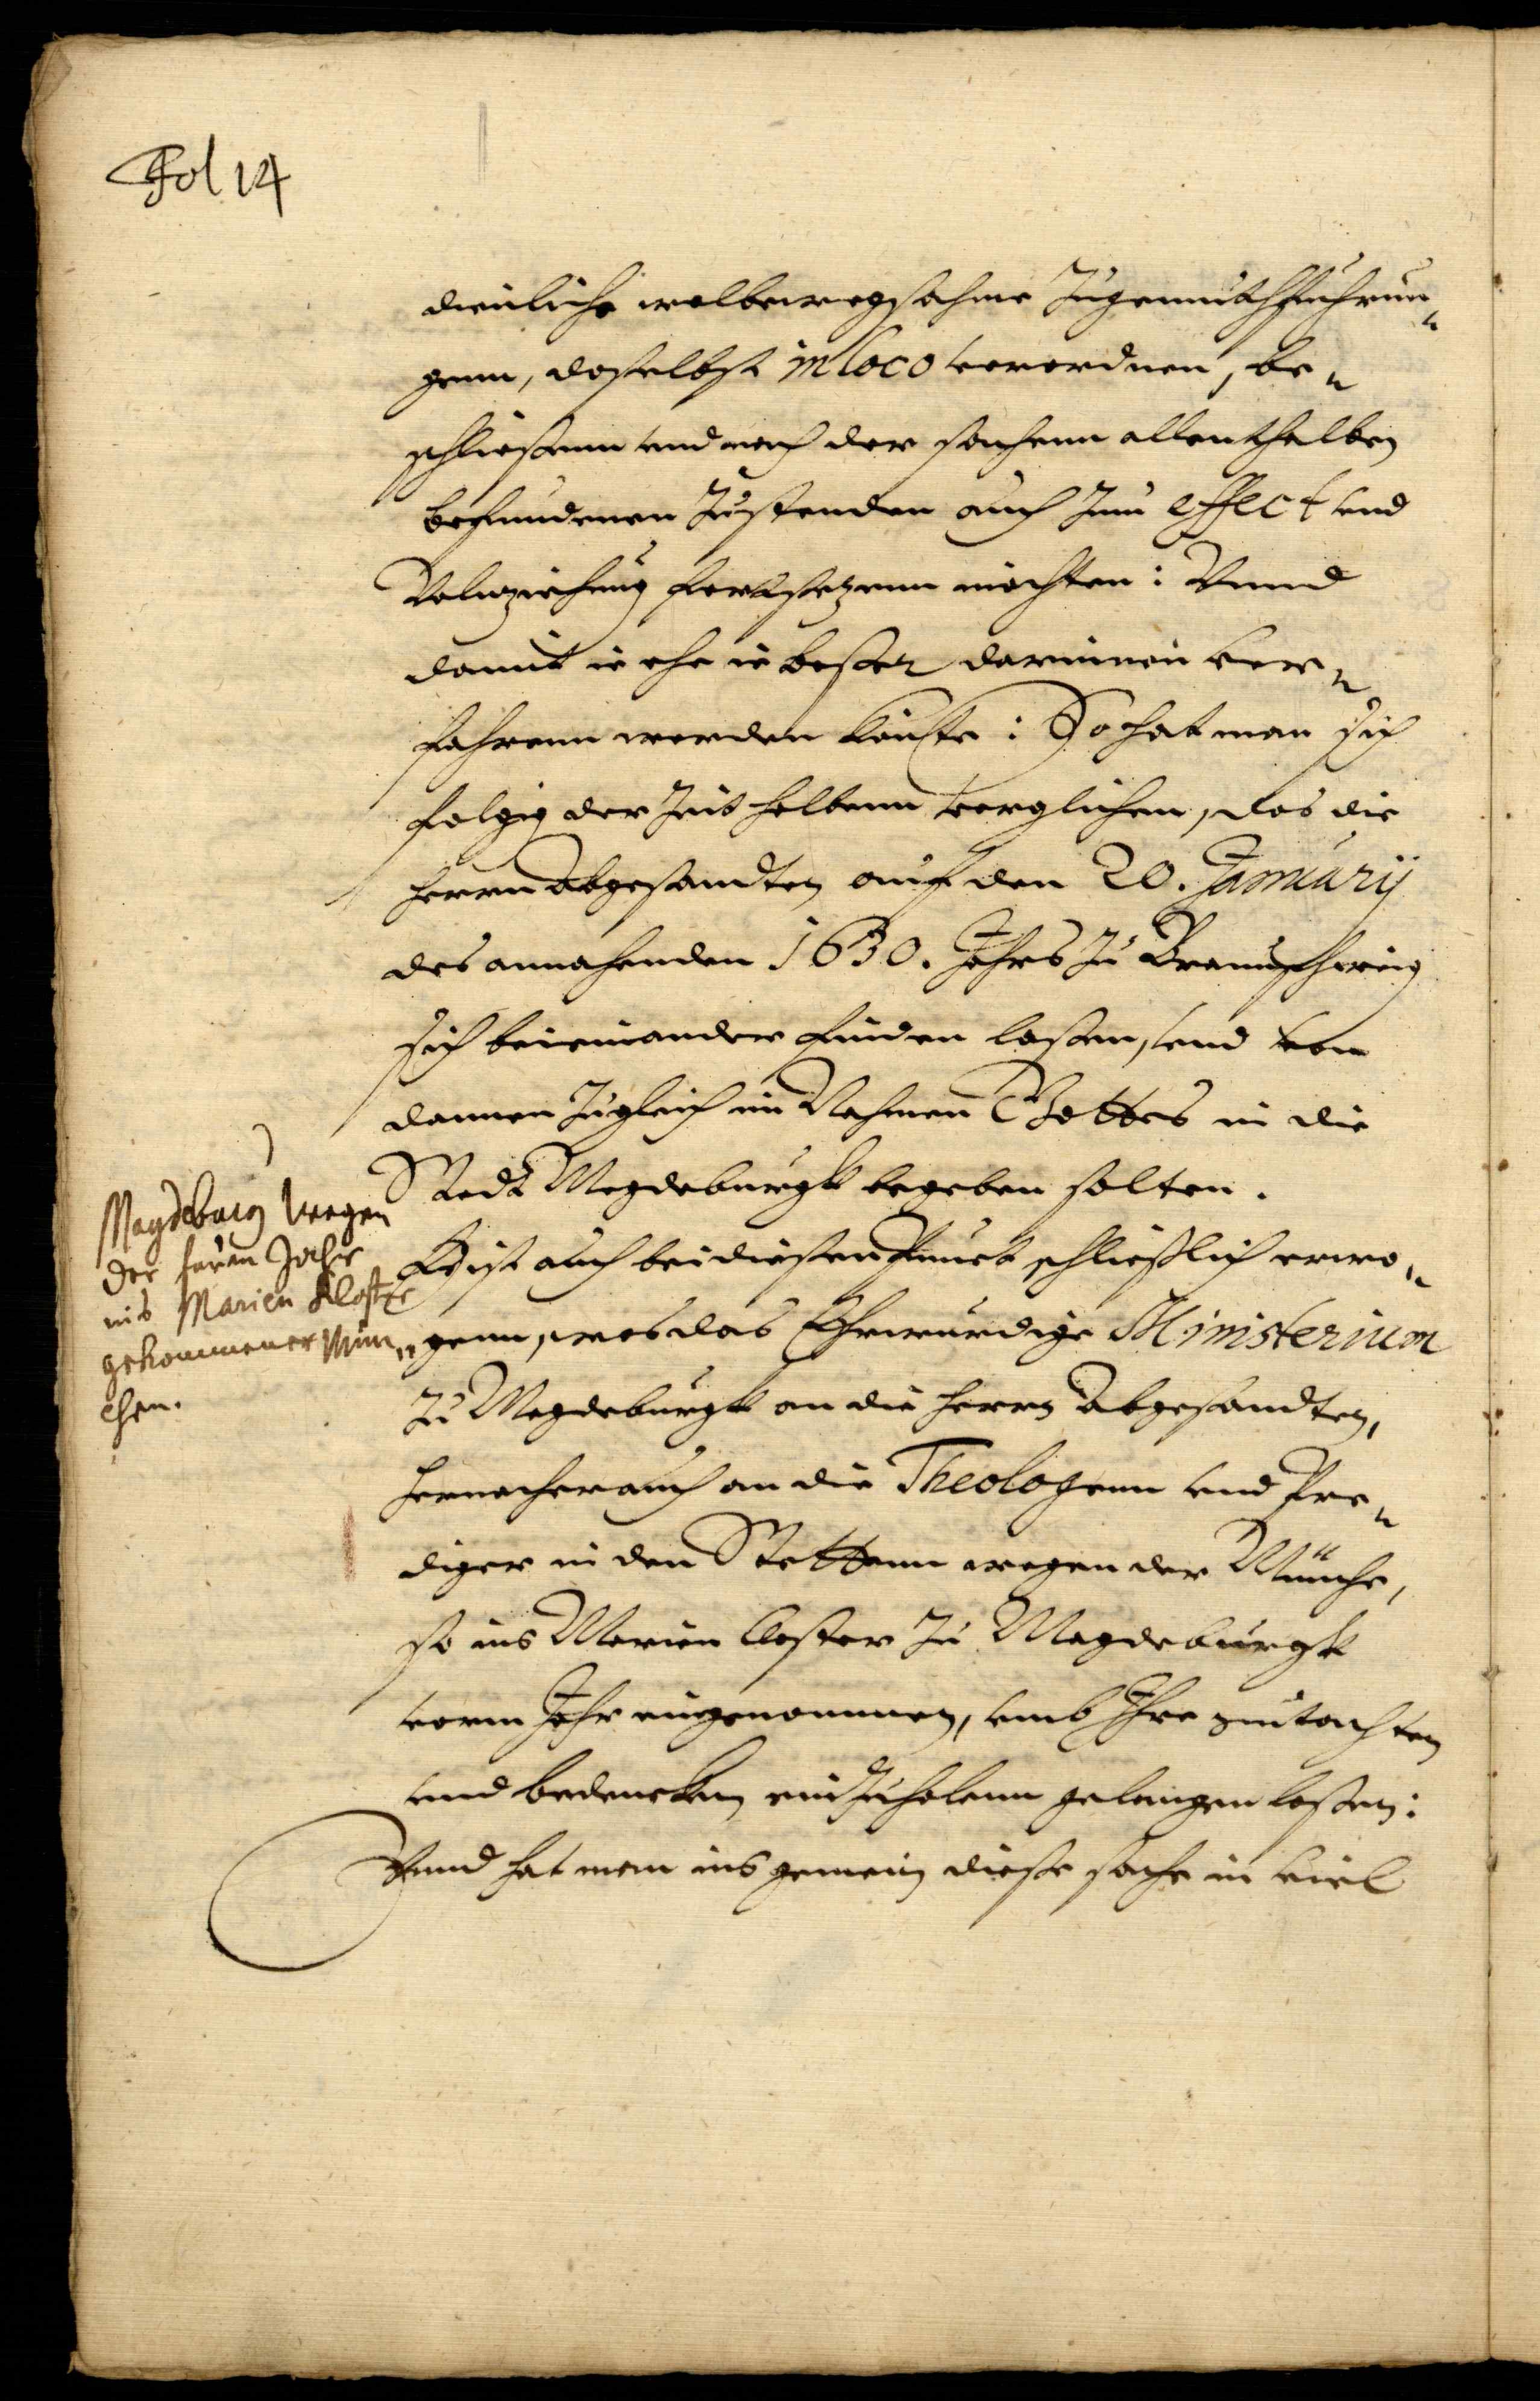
Fol 14
Magdeburg wegen
der form Jahr
ins Marien Kloster
gekommener Mun¬
chen
dienliche wolbewegsahme zugemuthfuhrun¬
genn, doselbst in loco verordnen, be¬
schließenn vnd nach der sachenn allenthalben
befundenen zustanden auch zum effect vnd
Volnziehung fortsetzenn möchten: Vnnd
damit ie ehe ie beßer darinnen ver¬
fahren werden könte: So hat man sich
folgig der zeit halbenn verglichen, das die
herrn Abgesandten auf den 20. Ianuarij
des annahenden 1630. Iahrs zu Braunschweig
sich beieinander finden laßen, vnd von
dannen zugleich im Nahmen Gottes in die
Stadt Magedeburgk begeben solten.
Es ist auch bei diesen Punct schließlich erwo¬
genn, was das Ehrwurdige Ministerium
zu Magdeburgk an die herrn Abgesandten,
hernacher auch an die Theologenn vnd Pre¬
diger in den Stettenn wegen der Münche,
so ins Marien Closter zu Magdeburgk
vorm Iahr eingenommen, vmb Ihre gutachten
vnd bedencken einzuholenn gelangen laßen:
Vnnd hat man ins gemein dieße sache in viel
